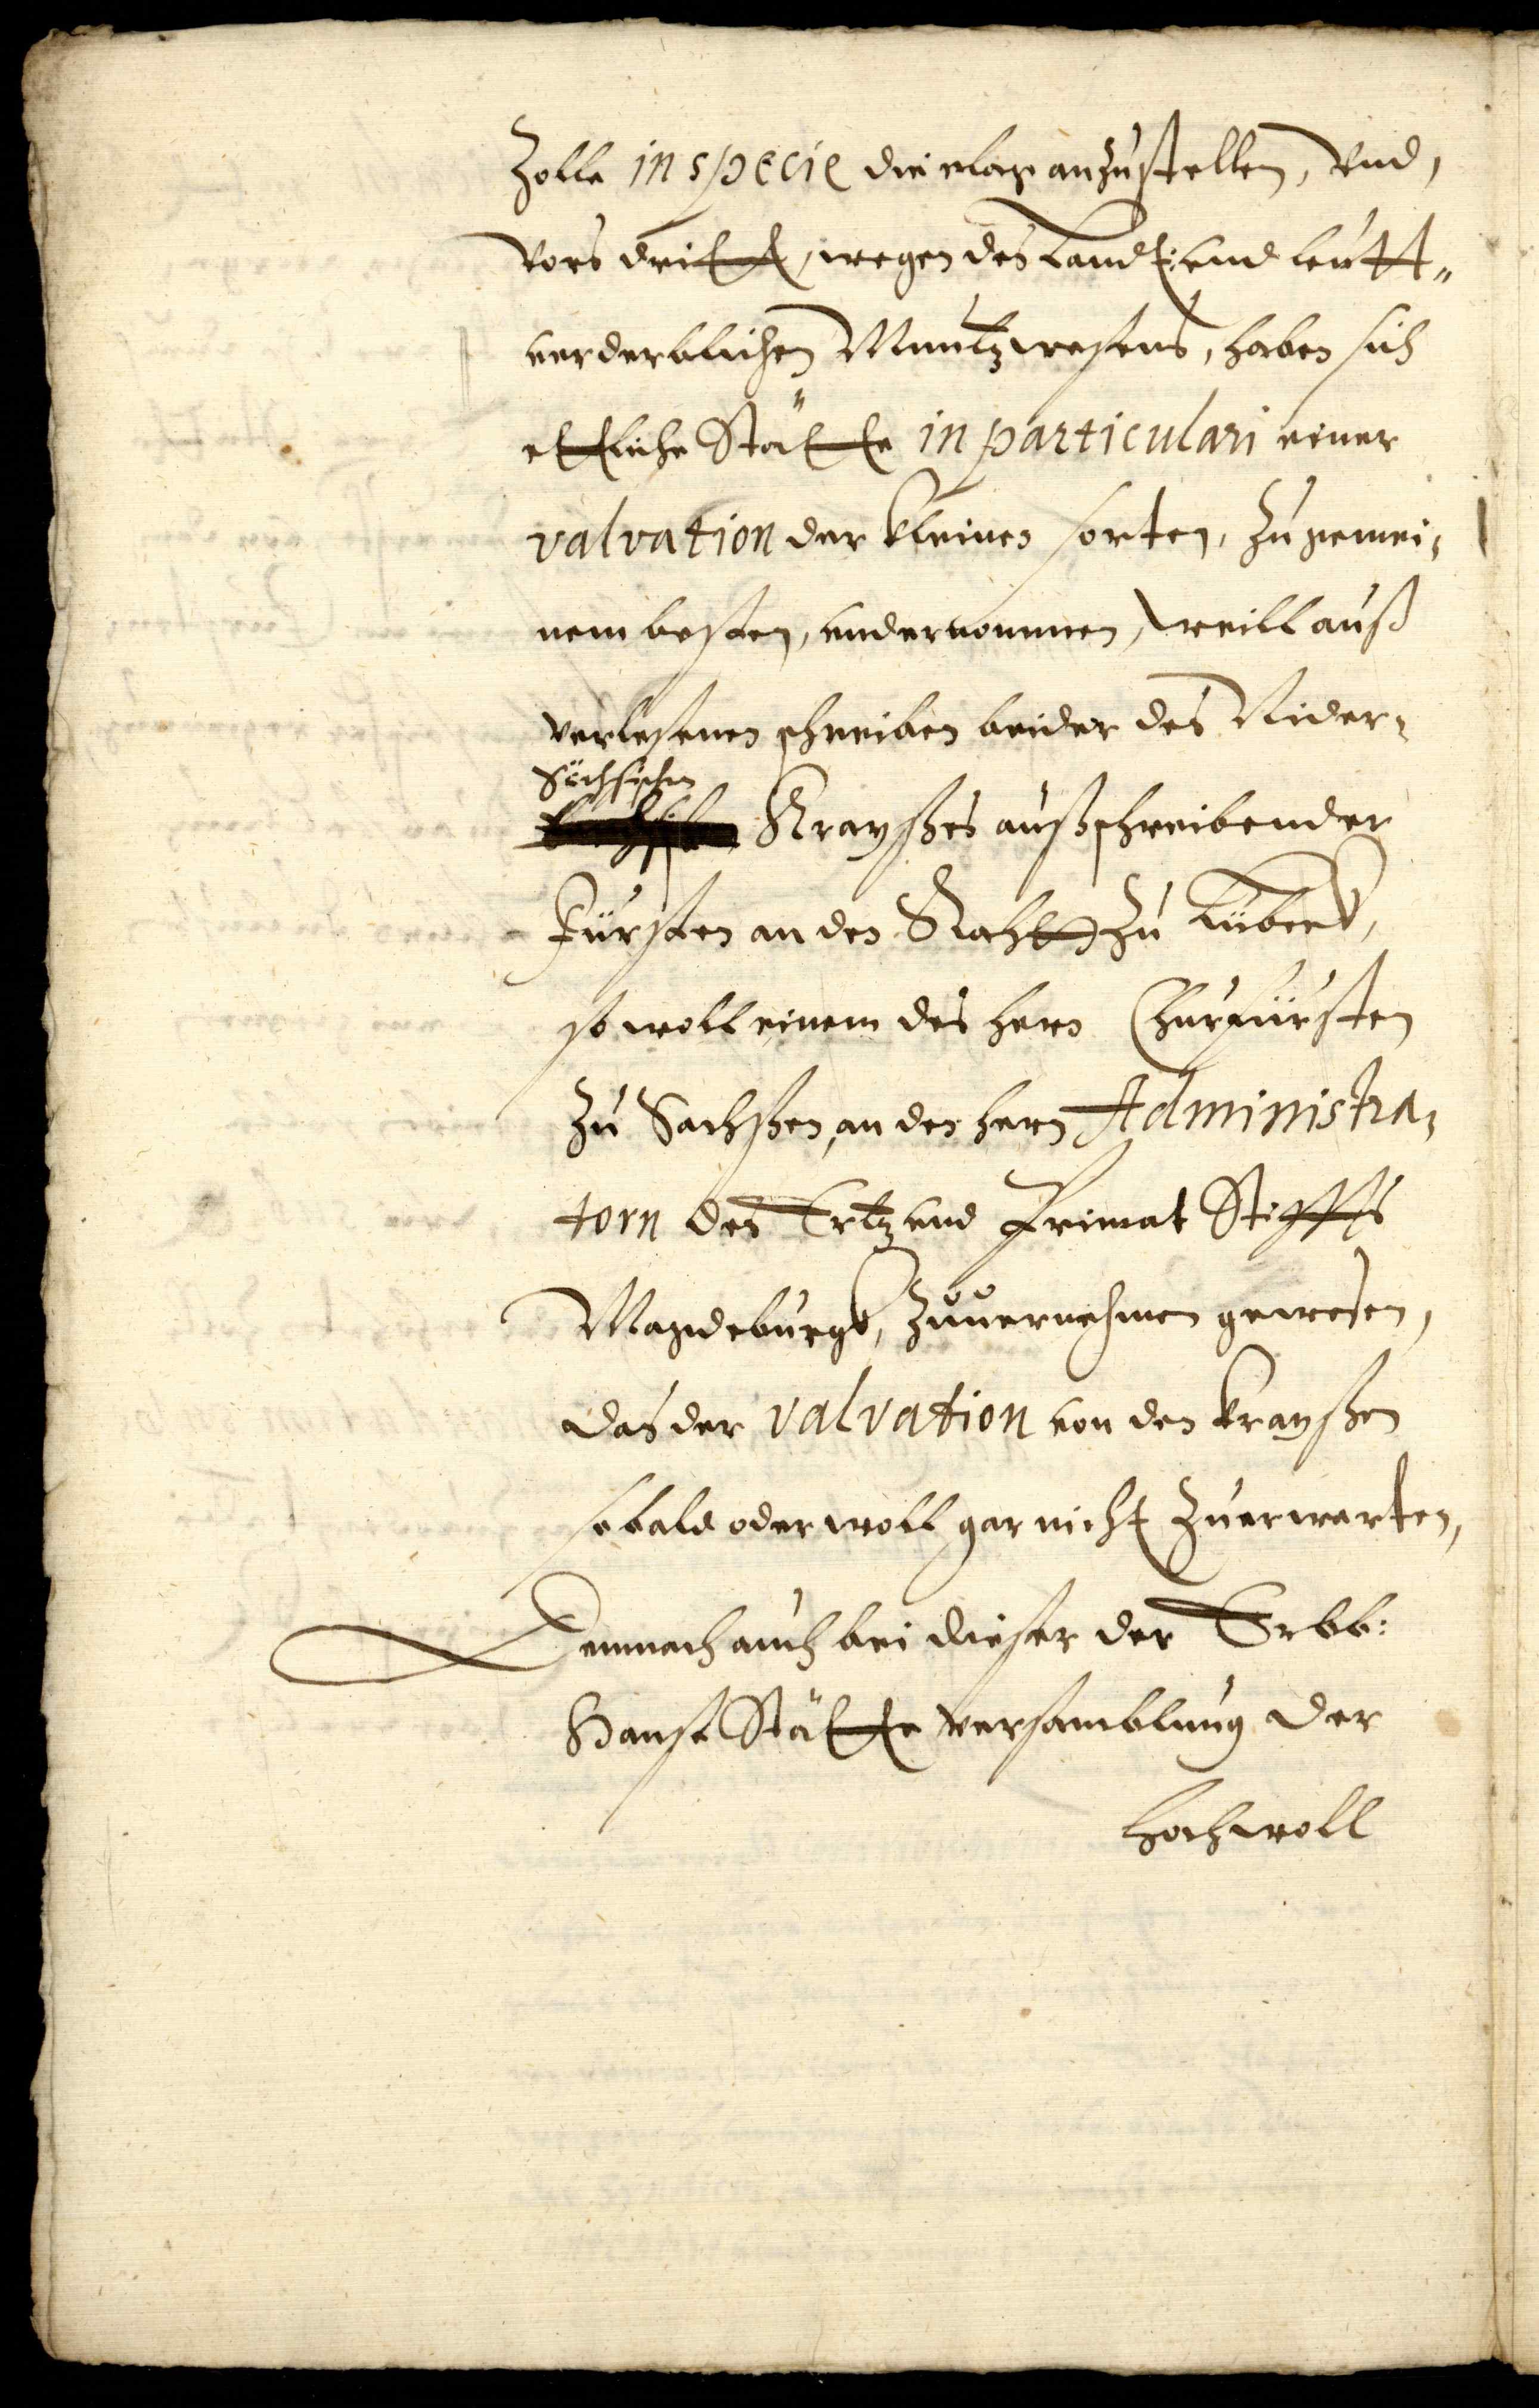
Zolle in specie die clage anzustellen, Vnd,
Vors dritt, wegen des Landt: vnd leutt¬
verderblichen Muntzwesens, haben sich
ettliche Stätte in particulari einer
valvation der kleinen Sorten, Zu gemei¬
nem besten, vndernommen, weill auß
verlesenen schreiben beider des Nieder¬
* Sächsischen
Sechsischen Krayßes außschreibender
Fürsten an den Rahtt zu Lübeck,
so woll einem des hern Churfürsten
Zu Sachsen, an den hern Administra¬
torn des Ertz vnd Primat Stiffts
Magdeburgk, Zuuernehmen gewesen,
das der valvation von den Krayßen
sobald oder woll gar nicht Zuerwarten,
Demnach auch bei dieser der Erbb:
HanseStätte versamblung der
Hochwoll
